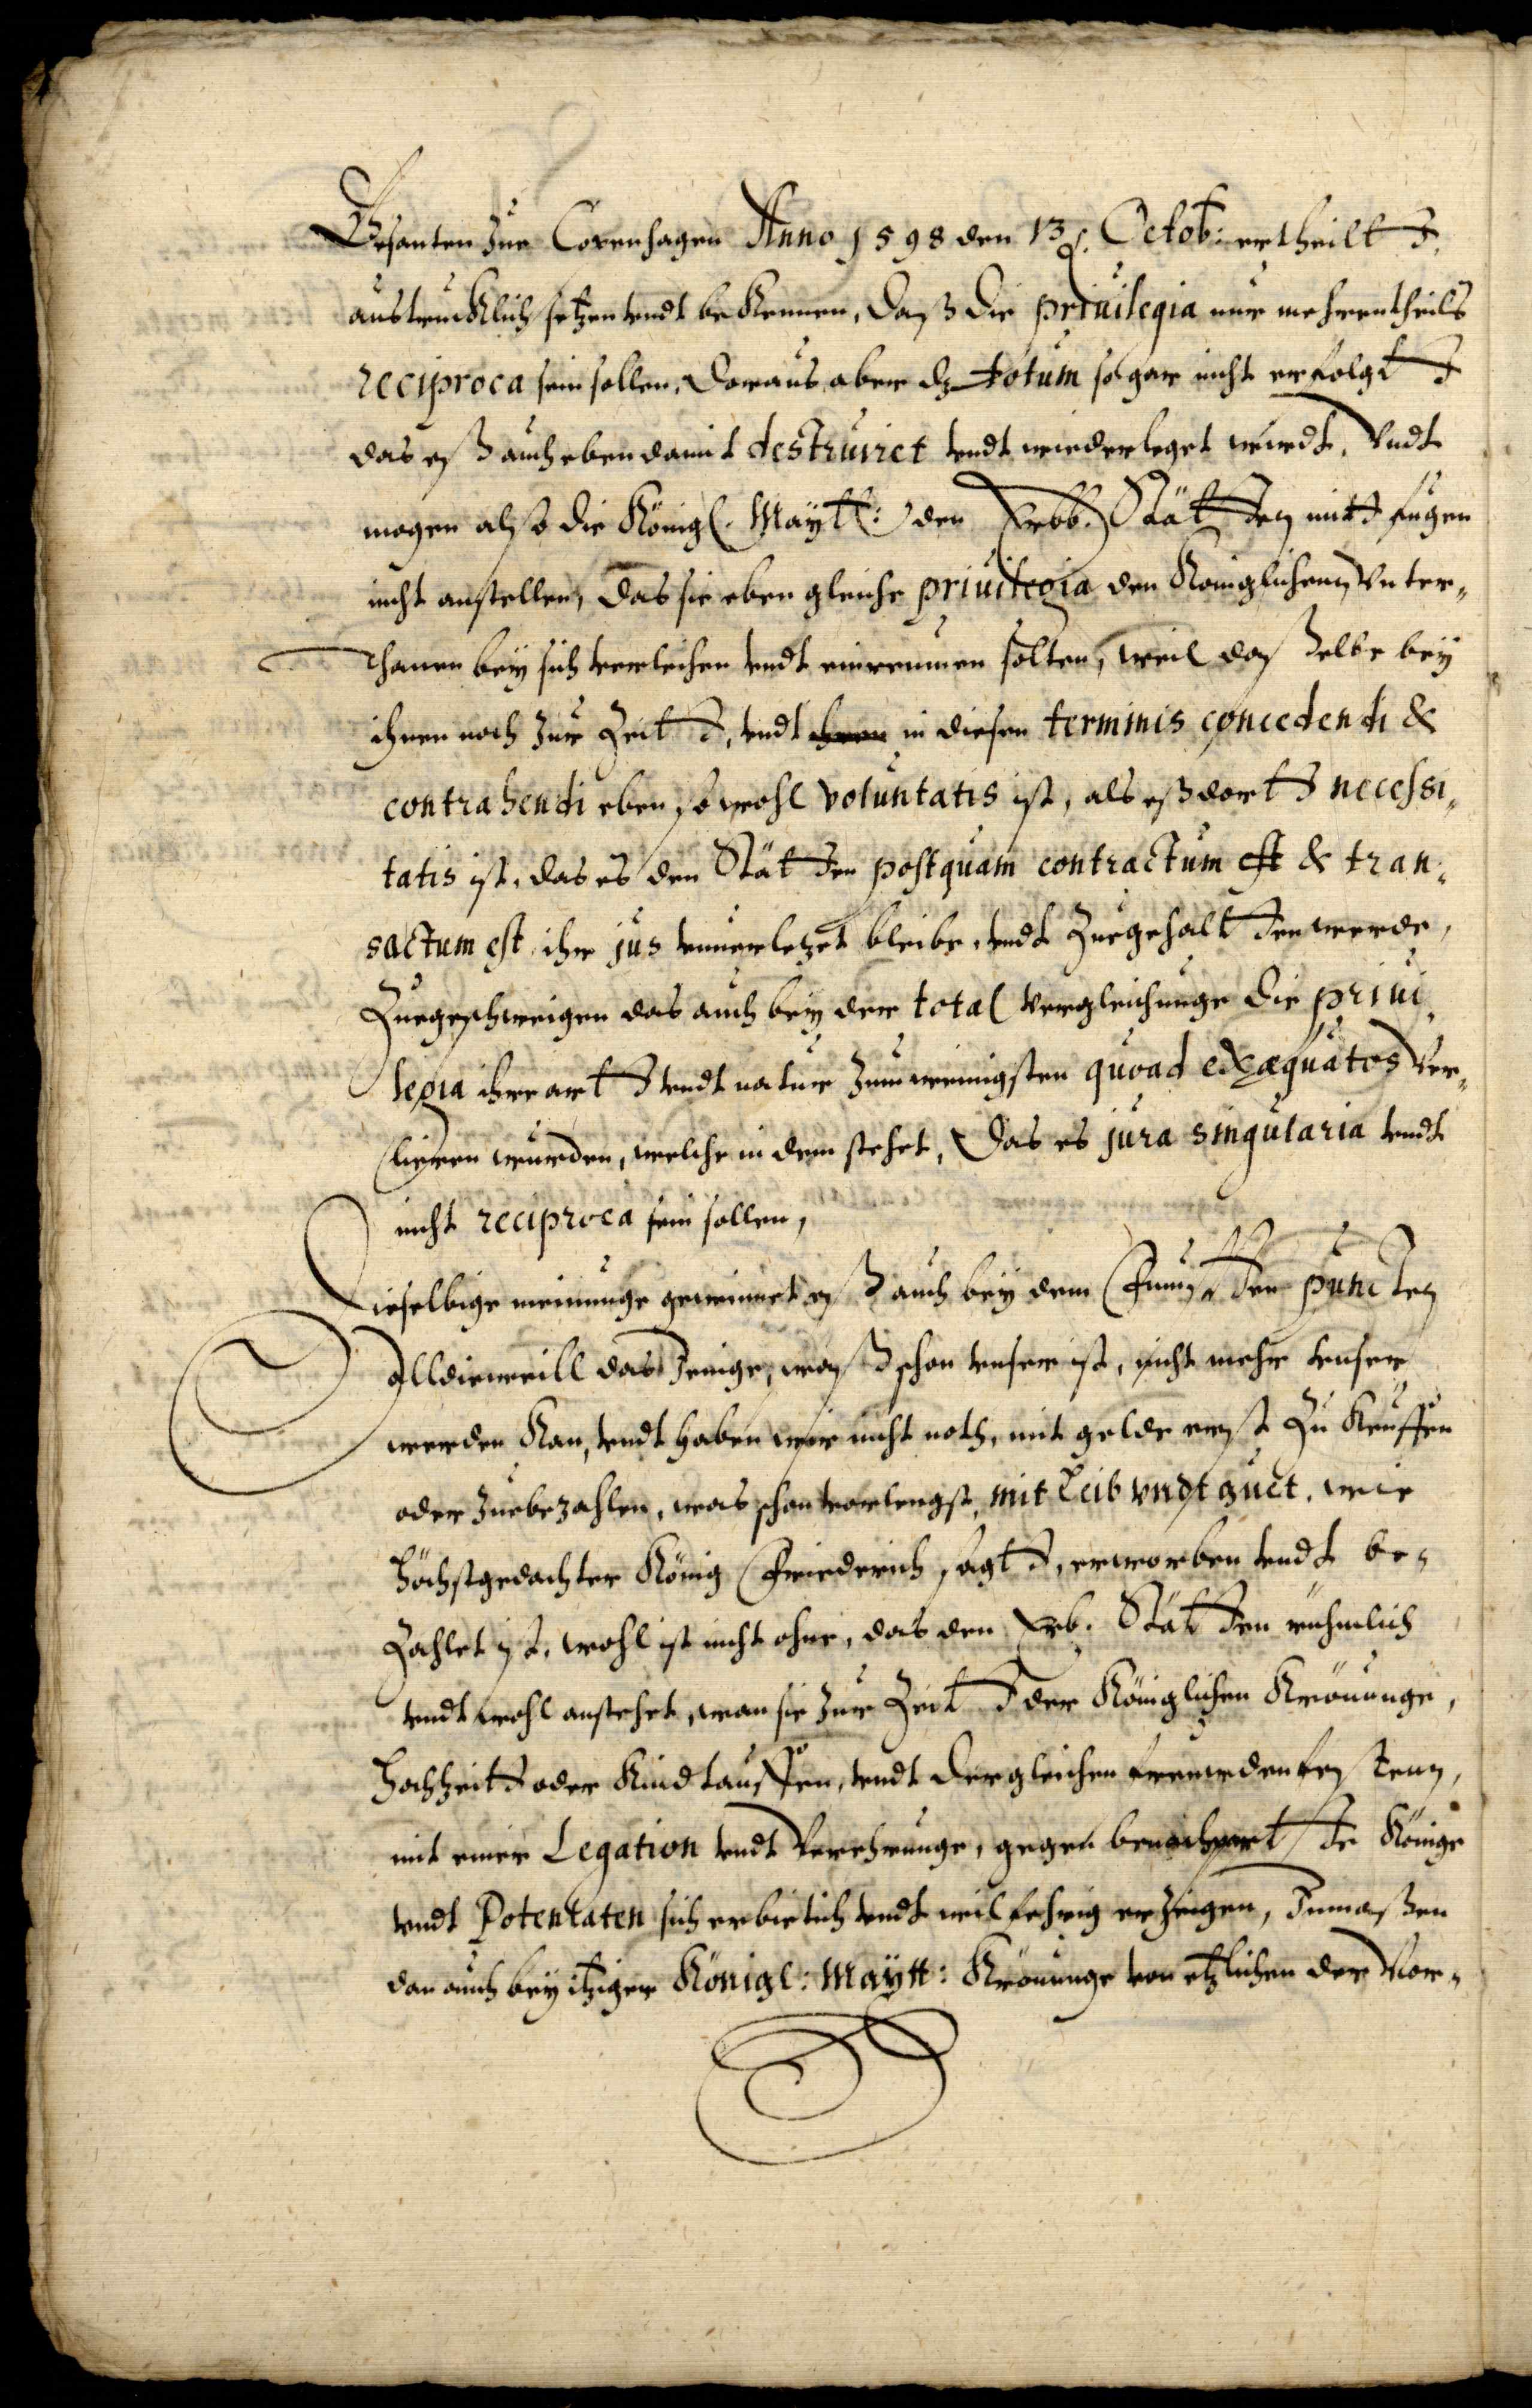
Gesanten zue Copenhagen Anno 1598 den 13t. Octobris ertheiltt,
austrucklich setzen vndt bekennen, daß die priuilegia nur mehrentheils
reciproca sein sollen, daraus aber das totum so gar nicht erfolgtt,
das eß auch eben damit destruiret vndt wiederleget wirdt, Vndt
mogen also die Königl. Maijtt: den Erbb: Stättten mitt fugen
nicht anstellen, das sie eben gleiche priuilegia den Koniglichen Vnter¬
thanen beij sich verleihen vndt einreumen solten, weil daßelbe beij
ihnen noch zur zeitt, vndt ihnen in diesen terminis concedendi &
contrahendi eben so wohl voluntatis ist, als eß dortt necessi¬
tatis ist, das es den Stätten post quam contractum est & tran¬
sactum est ihr ius vnuerletzet bleibe, vndt zuegehaltten werde,
Zuegeschweigen das auch beij der total vergleichunge die priui¬
legia ihre artt vndt natur zum wennigsten quoad exaequatos Ver¬
lieren wurden, welche in dem stehet, das es jura singularia vndt
nicht reciproca sein sollen,
Dieselbige meinunge gewinnet eß auch beij dem Fumfften puncten
Alldieweill das Jenige, waß schon vnser ist, nicht mehr vnser
werden Kan, vndt haben wor nicht noth, mit gelde erst Zu keuffen
oder zuebezahlen, was schon vorlengst, mit Leib vndt guet, wie
Höchstgedachter König Friederich sagtt, erworben vndt be¬
Zahlet ist, wohl ist nicht ohne, das den Erb: Stätten rühmlich
vndt wohl anstehet, wan sie zur Zeitt der Königlichen Krönunge,
Hochtzeitt oder Kindtauffen, vndt dergleichen freuwdenfestenn,
mit einer Legation vndt Verehrunge, gegen benachpartste Könige
vndt Potentaten sich erbietich vndt wilfehrig erzeigen, Inmaßen
dan auch beij itziger Königl: Maijtt: Krönunge von etzlichen der Vor¬
